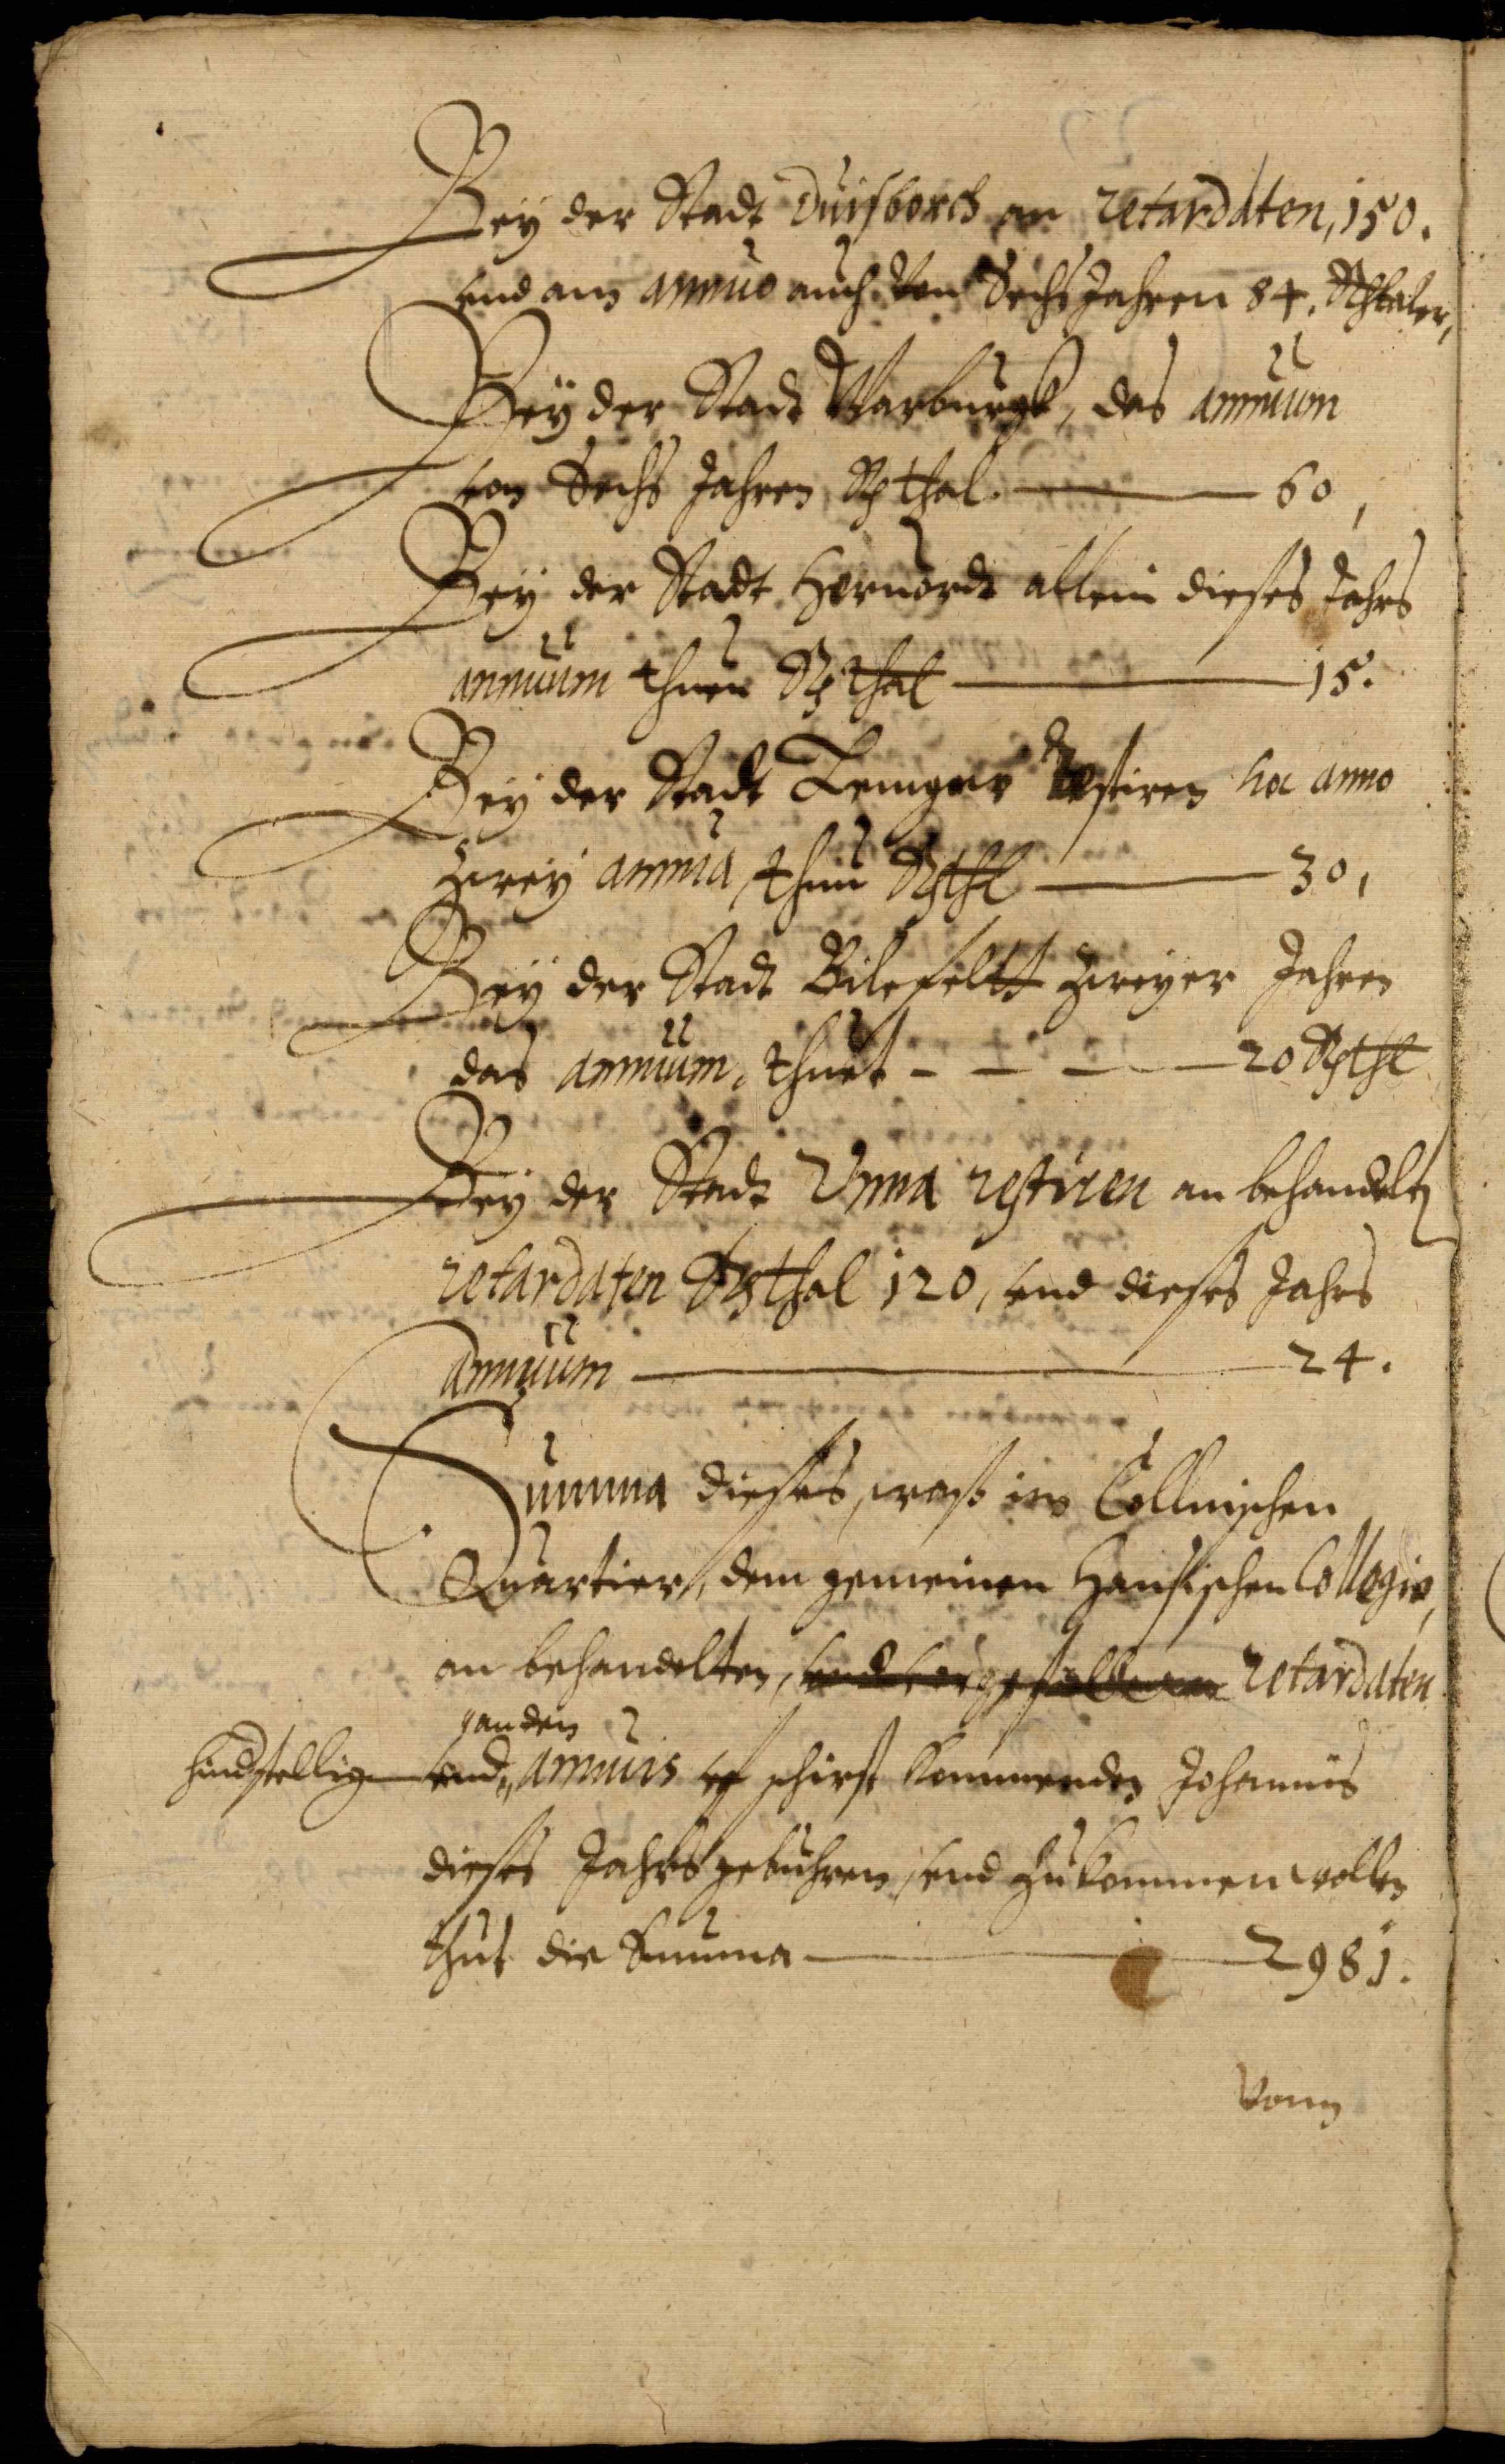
Beij der Stadt Duisborch an retardaten, 150.
vnd am annuo auch von Sechs Jahren 84. Reichstaler,
Beij der Stadt Warburgk, das annuum
von Sechs Jahren, Reichsthaler _ 60,
Beij der Stadt Heruordt allein dieses Jahres
annuum thuen Reichsthaler _ 15.
Beij der Stadt Lemgow Restiren hoc anno
zweij annua thun Reichsthaler _ 30,
Beij der Stadt Bilefefeltt zweijer Iahren
das annuum thuet _ 20Reichsthaler
Beij der Stadt Unna restiren an behandelten
retardaten Reichsthaler 120, vnd dieses Jahrs
annuum _ 24.
Summa dieses, waß im Collnischen
Quartier, dem gemeinen Hansischen Collegio
an behandelten, vnder gestelleten retardaten
vnd an den annuis vf schirst kommenden Johannis
dieses Jahres gebuhren, vnd zukommen wollen
thut die Summa _ 2981.
vonn
hinderstellig
